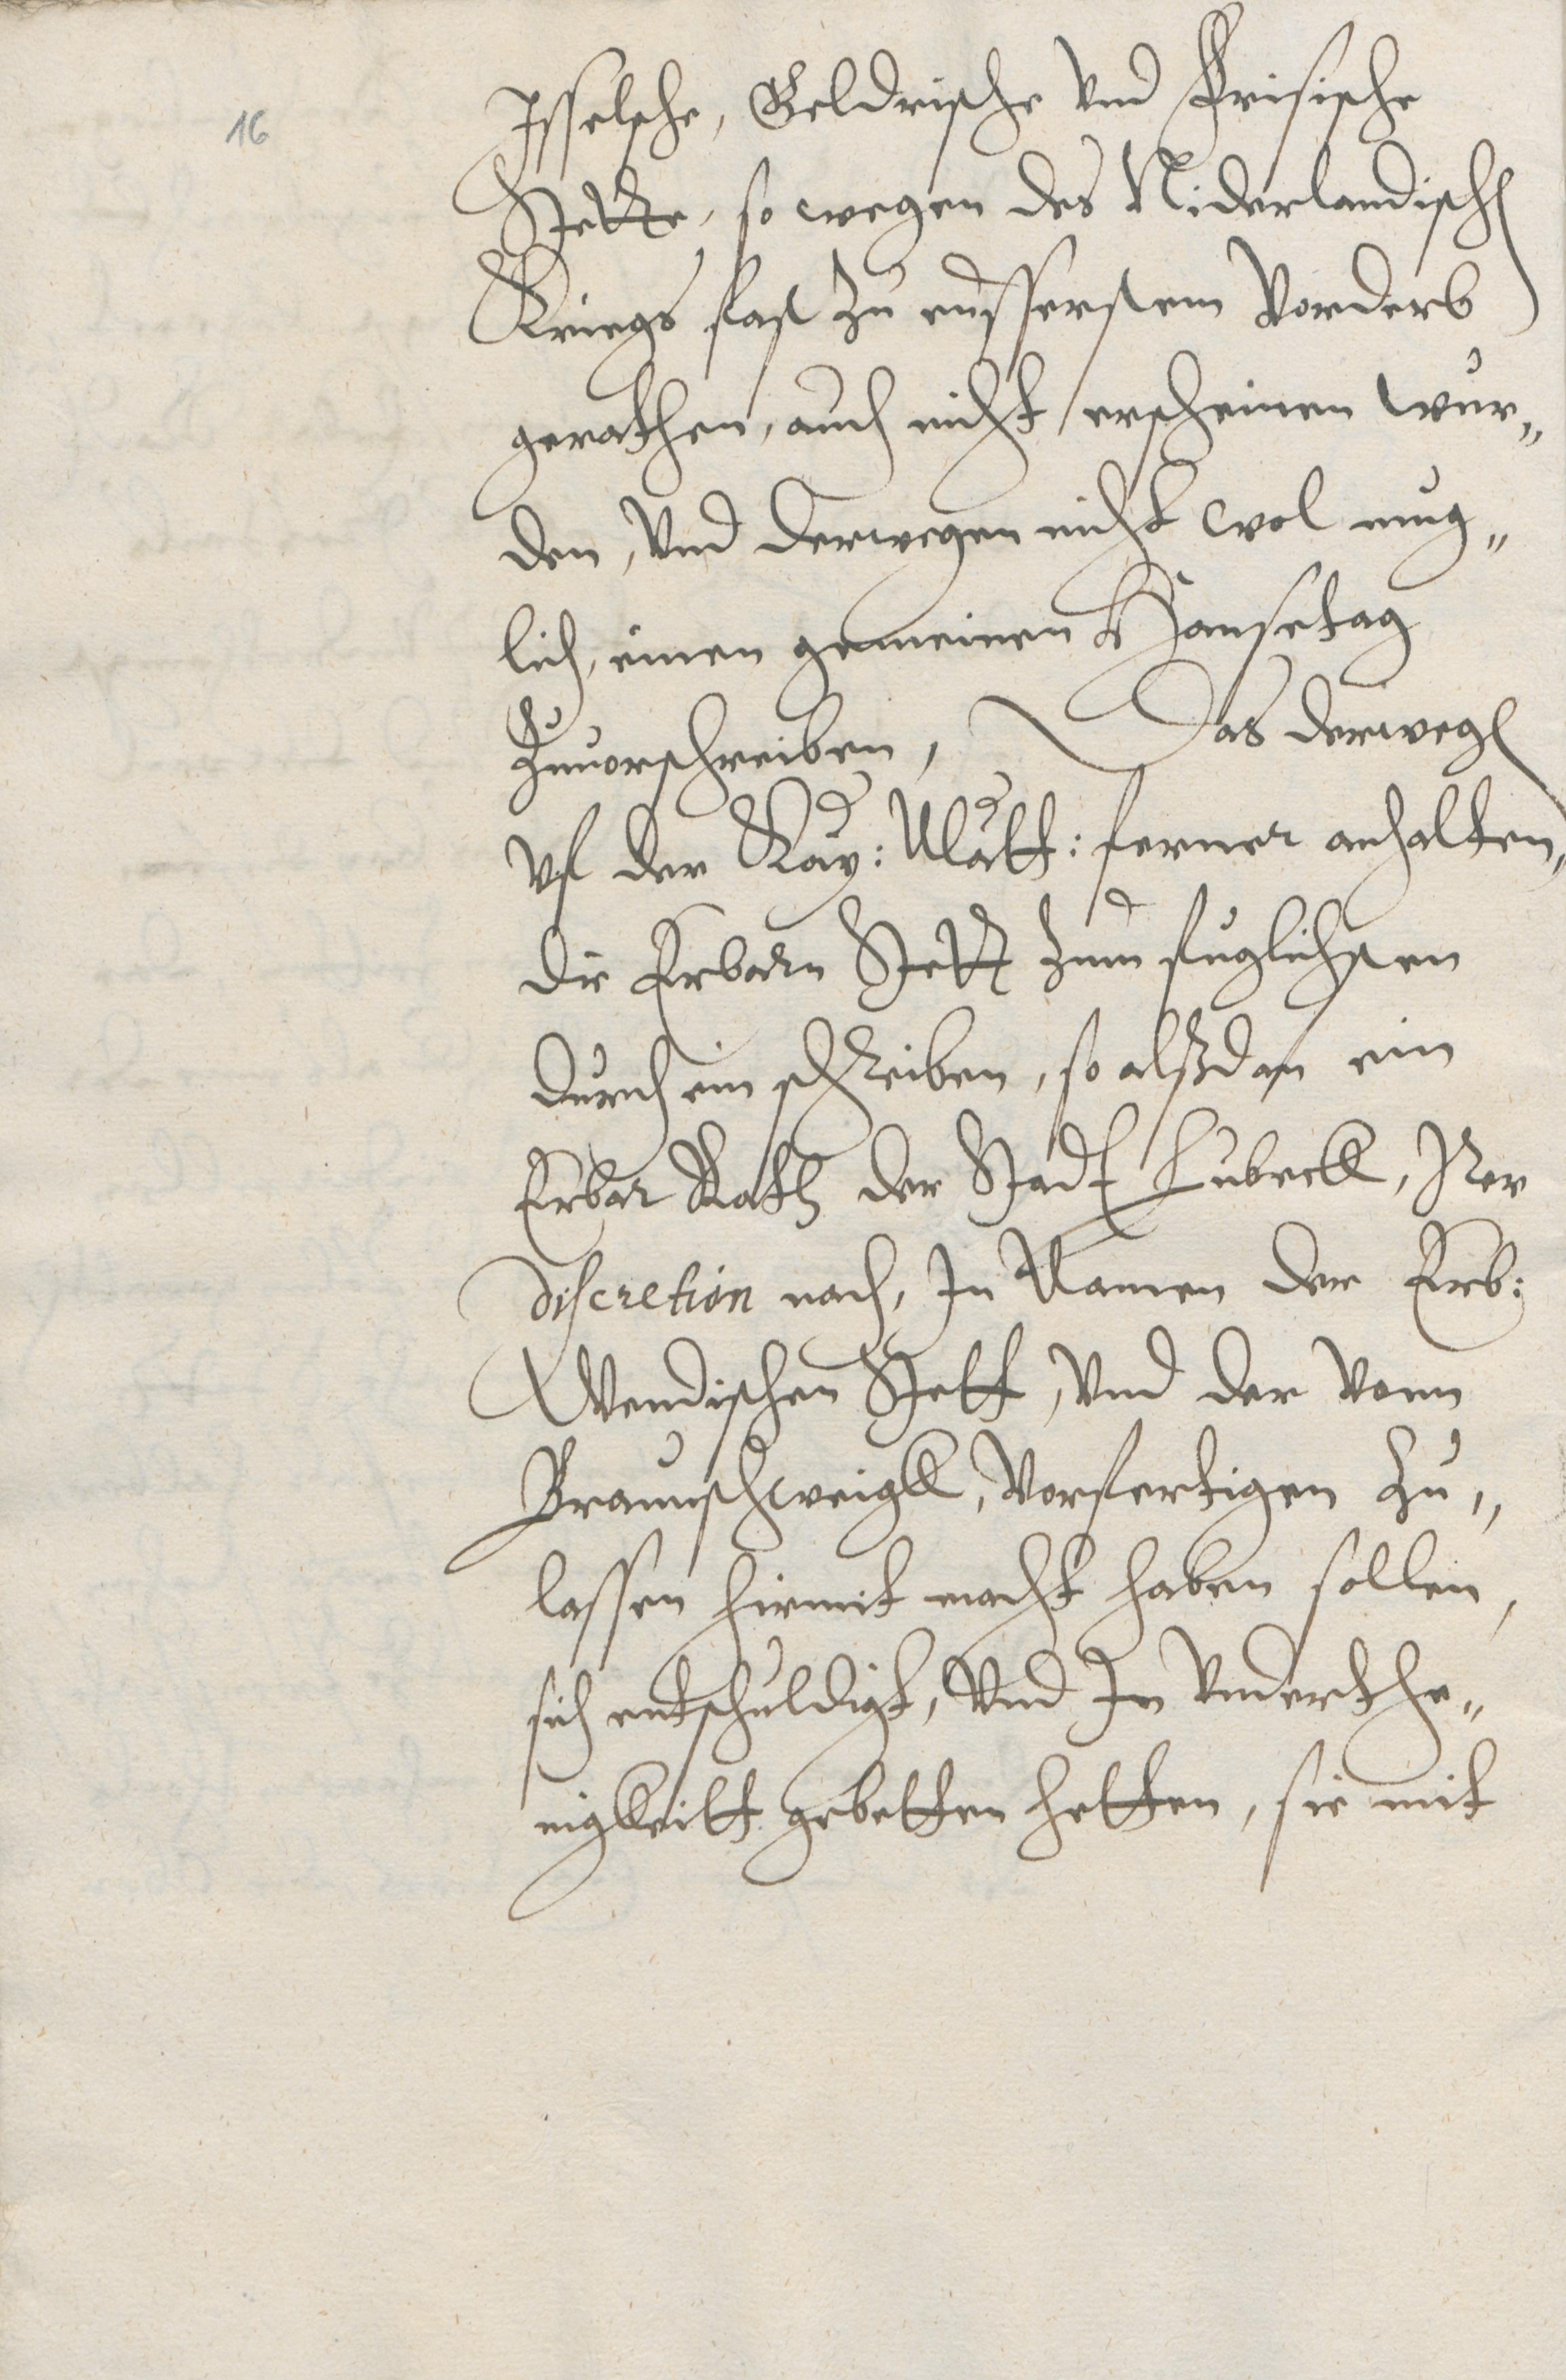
Jsselsche, Geldrische vnd Frisische
Stette, so wegen des Niderlandischen
Kriegs fast zu eusserstem vorderb
geratehn, auch nicht erscheinen wur¬
den, vnd derwegen nicht wol mug¬
lich, einen gemeinen Hansetag
zuuorschreiben, Das derwegen
vf der Kay: Matt: ferner anhalten,
die Erbarn Stett zum fuglichsten
durch ein schreiben, so alßdan ein
Erbar Rath der Stadt Lubeck, Jrer
discretion nach, Jn Namen der Erb:
Wendischen Stett, vnd der vonn
Braunschweigk, vorfertigen zu¬
lassen hirmit macht haben sollen,
sich entschuldigt, vnd Jn vnderthe¬
nigkeitt gebetten hetten, sie mit
